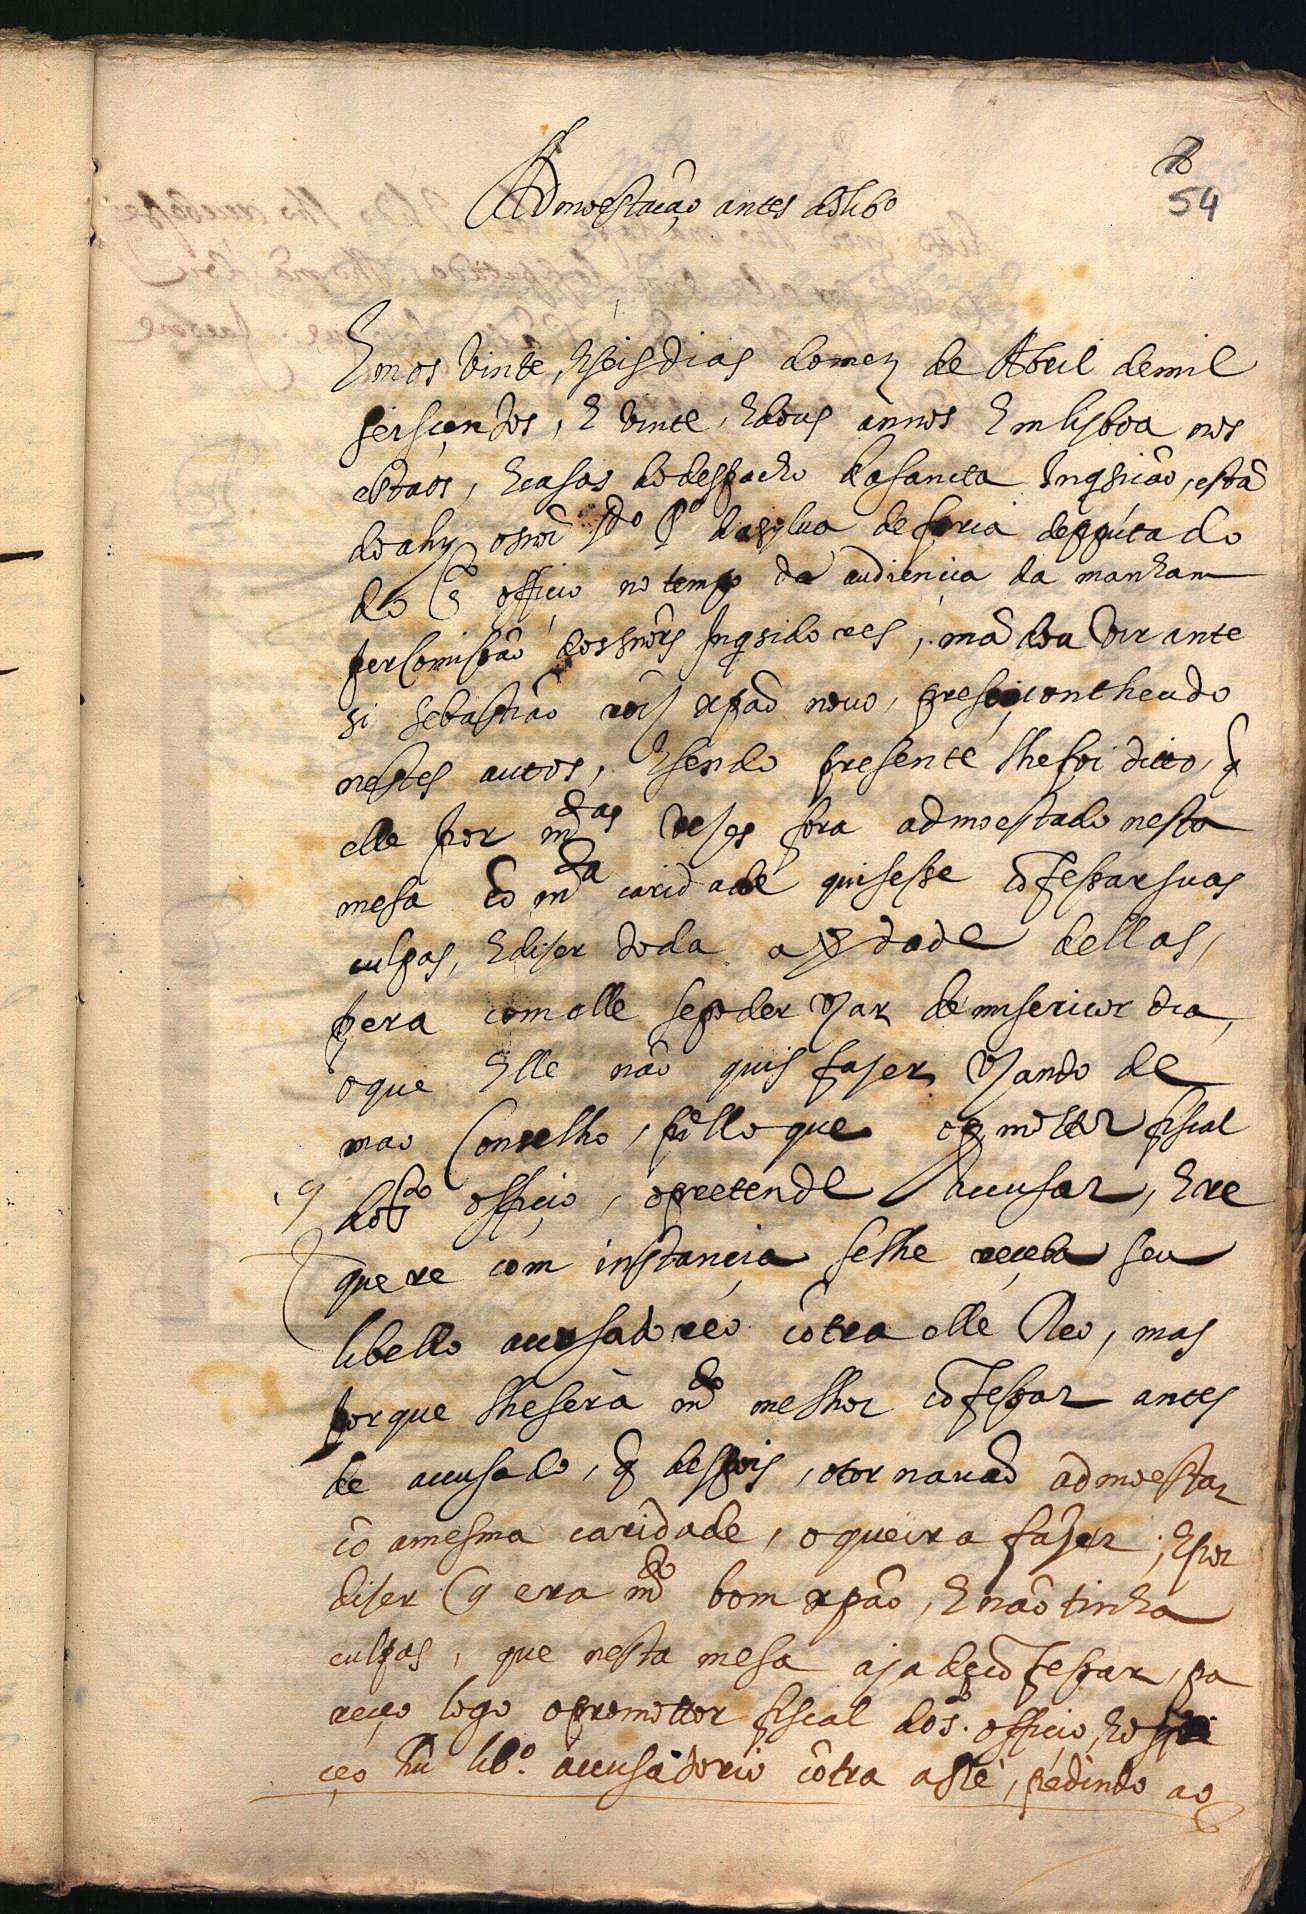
Admoestação antes do libo
Em os vinte, E seis dias do mez de Abril de mil
seisçentos, E vinte, E dous annos Em lisboa nos
estaos, E casas do despacho da sancta Inq̄siçaõ, estā
do ahy o snor̄ ldo Po da sylua de faria depputado
do sto offiçio no tempo da audiençia da manham
per Comissão dos snor̄s Jnq̄sidores, mādou vir ante
si sebastião roīz xpão nouo, preso_ contheudo
nestes autos, E sendo presente lhe foi ditto, q̄
elle por mtas vezes fora admoestado nesta
mesa cō mta caridade quisesse cōfessar suas
culpas, E dizer toda a ꝟdade dellas,
pera com elle se poder vzar de misericordia,
o que Elle não quis fazer vzando de
mao Conselho, pello que o ꝓmottor fiscal
do sto offiçio, o pretende accusar, E re
quere com instançia se lhe reçeba seu
libello accusatoreo cōtra elle Reo, mas
porque lhe serà mto melhor cōfessar antes
de accusado, q̄ despois, o tornauaõ admoestar
cō a mesma caridade, o queira fazer; E por
dizer q̄ era mto bom xpão, E naõ tinha
culpas, que nesta mesa aja de cōfessar, pa
reçeo logo o promottor fiscal do s.to offiçio, E off_
çeo hū lib.o accusatorio cōtra a Ré, pedindo ao
